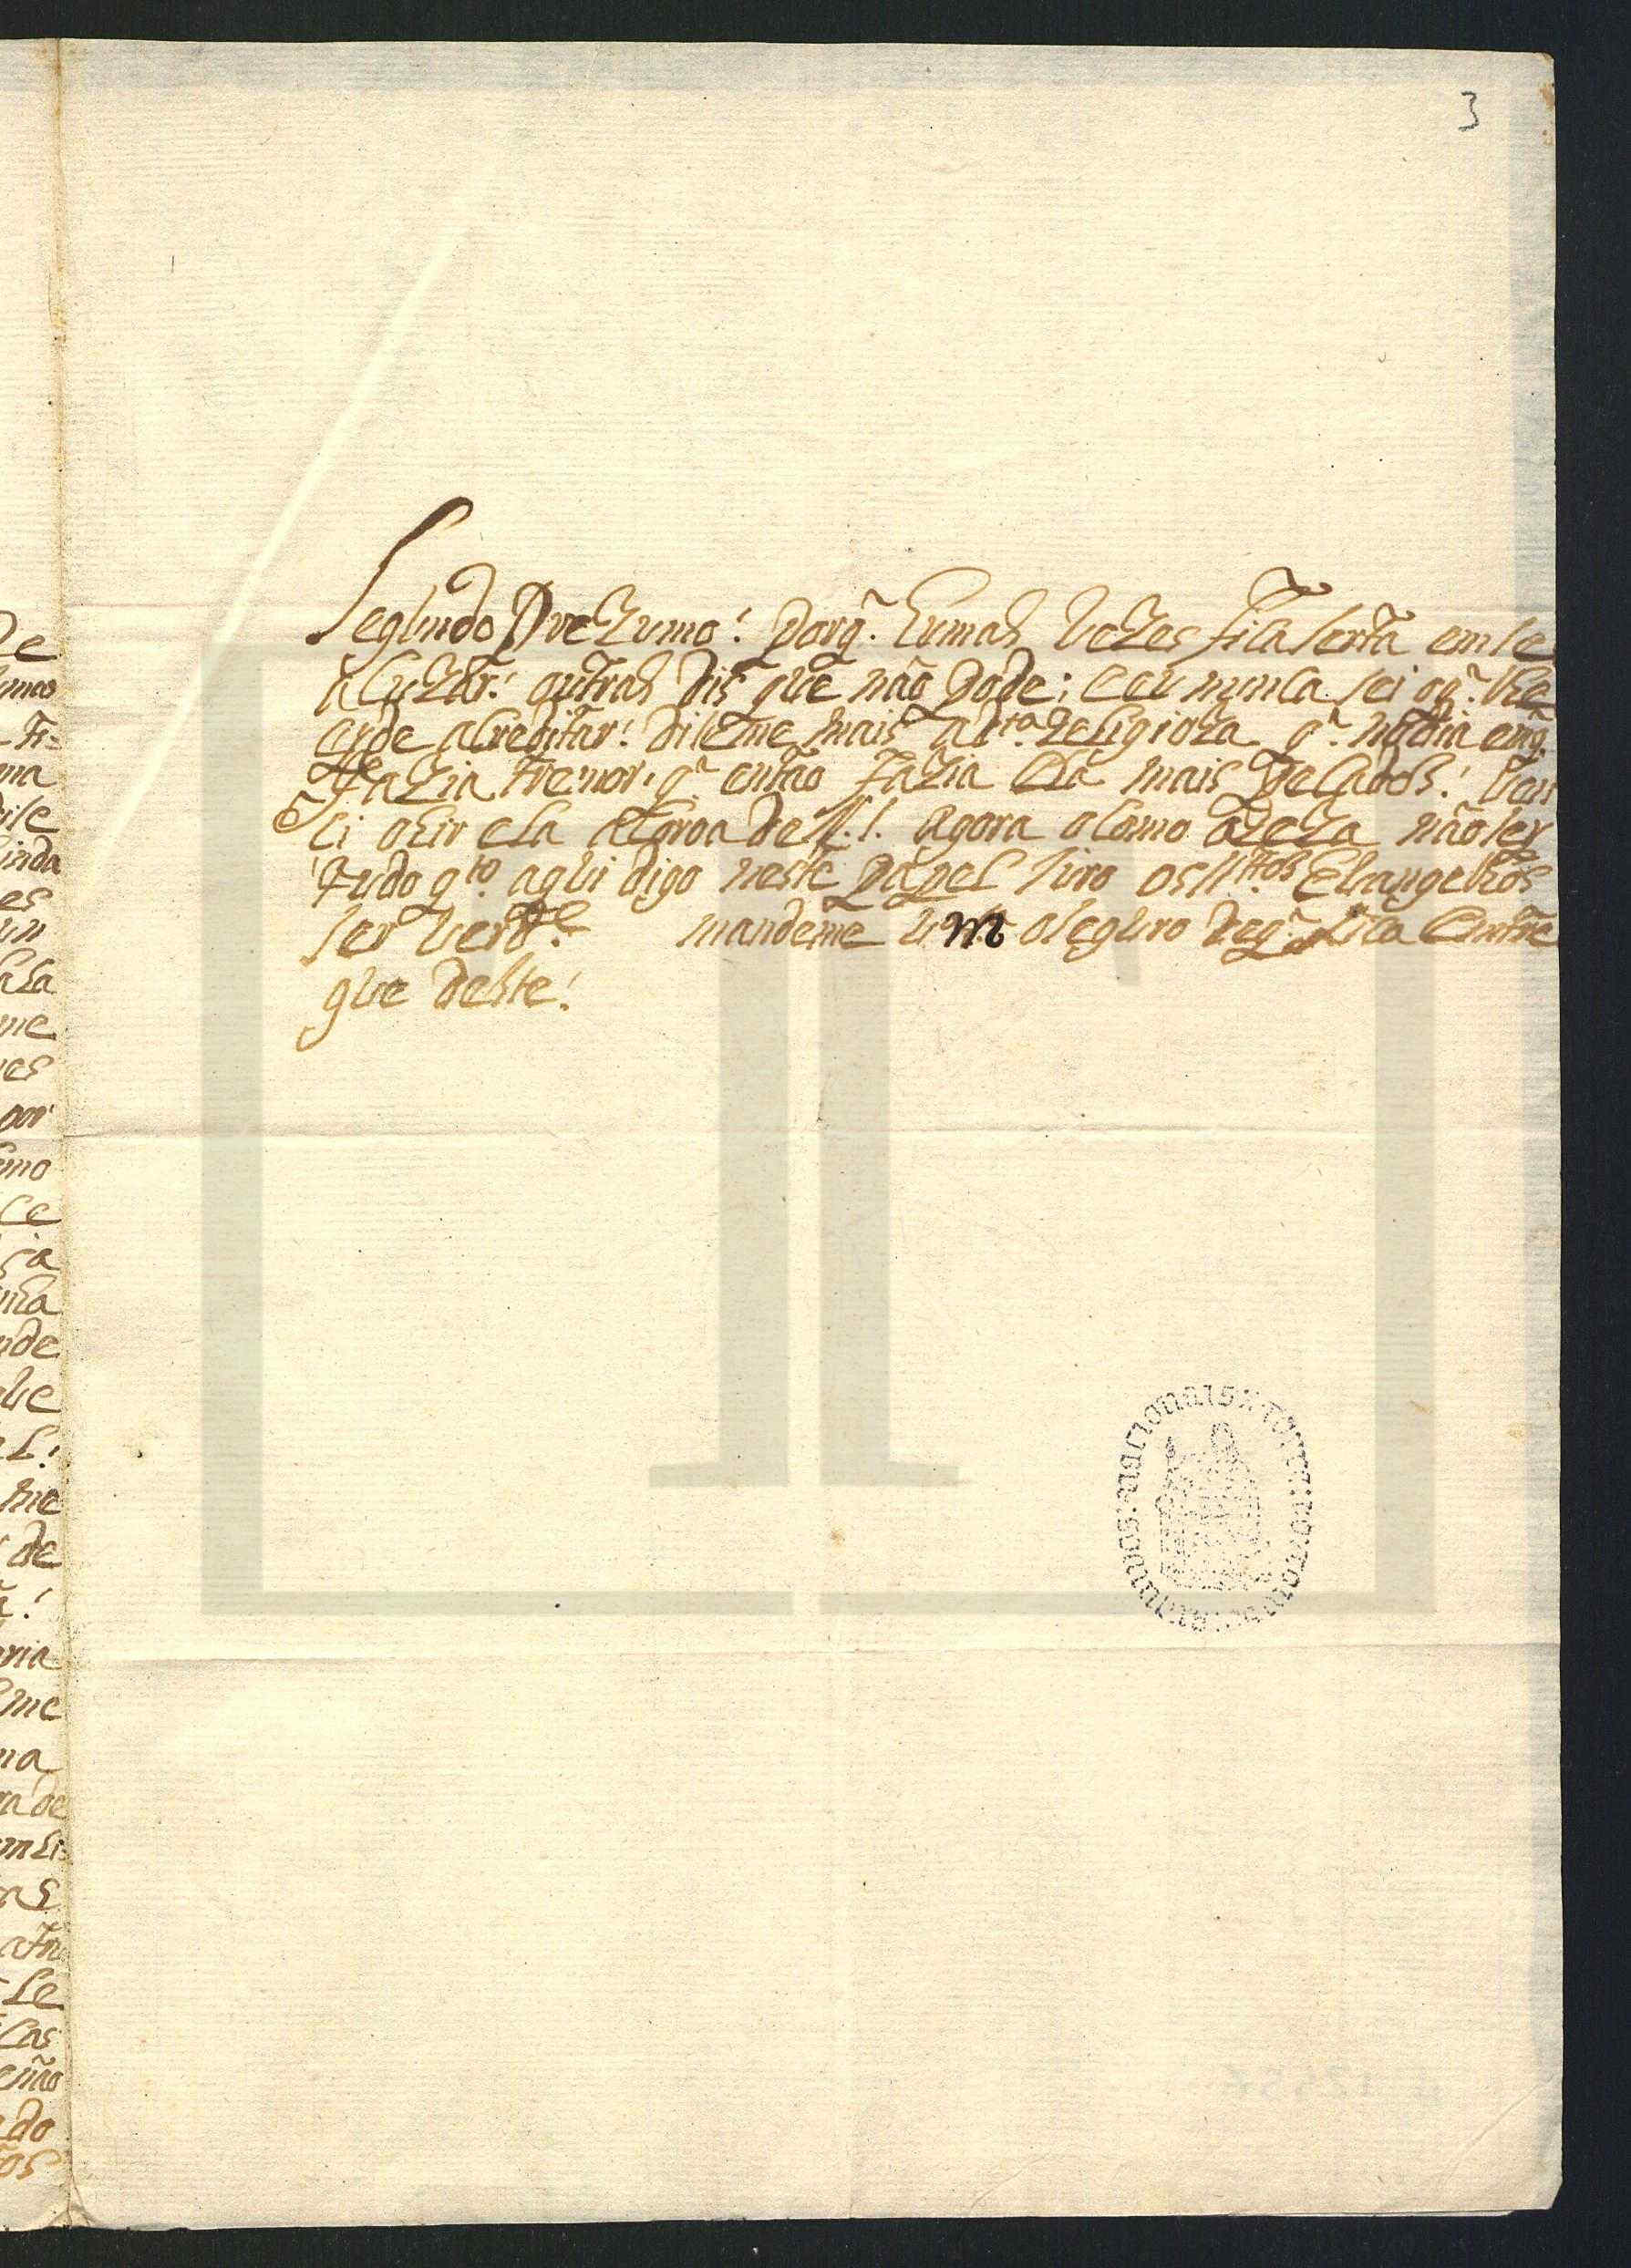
Segundo PreZumo: Porq̄. humas Vezes fica serta em se
aCuzar: outras dis que naõ pode; e eu nunca sei o q̄. lhe
eyde aCreditar: diseme mais a d.ta religioza q̄ no dia em q̄
FaZia tremor, q̄ então faZia ela mais peCados: Ven
ci o hir ela a Coroa de N. S. agora o Como a Reza naõ ser
tudo q.to aqui digo neste papel Iuro os ss.ttos Evangelhos
ser verd.e mandeme vm. o seguro de q̄ fica Emtre
gue deste.
